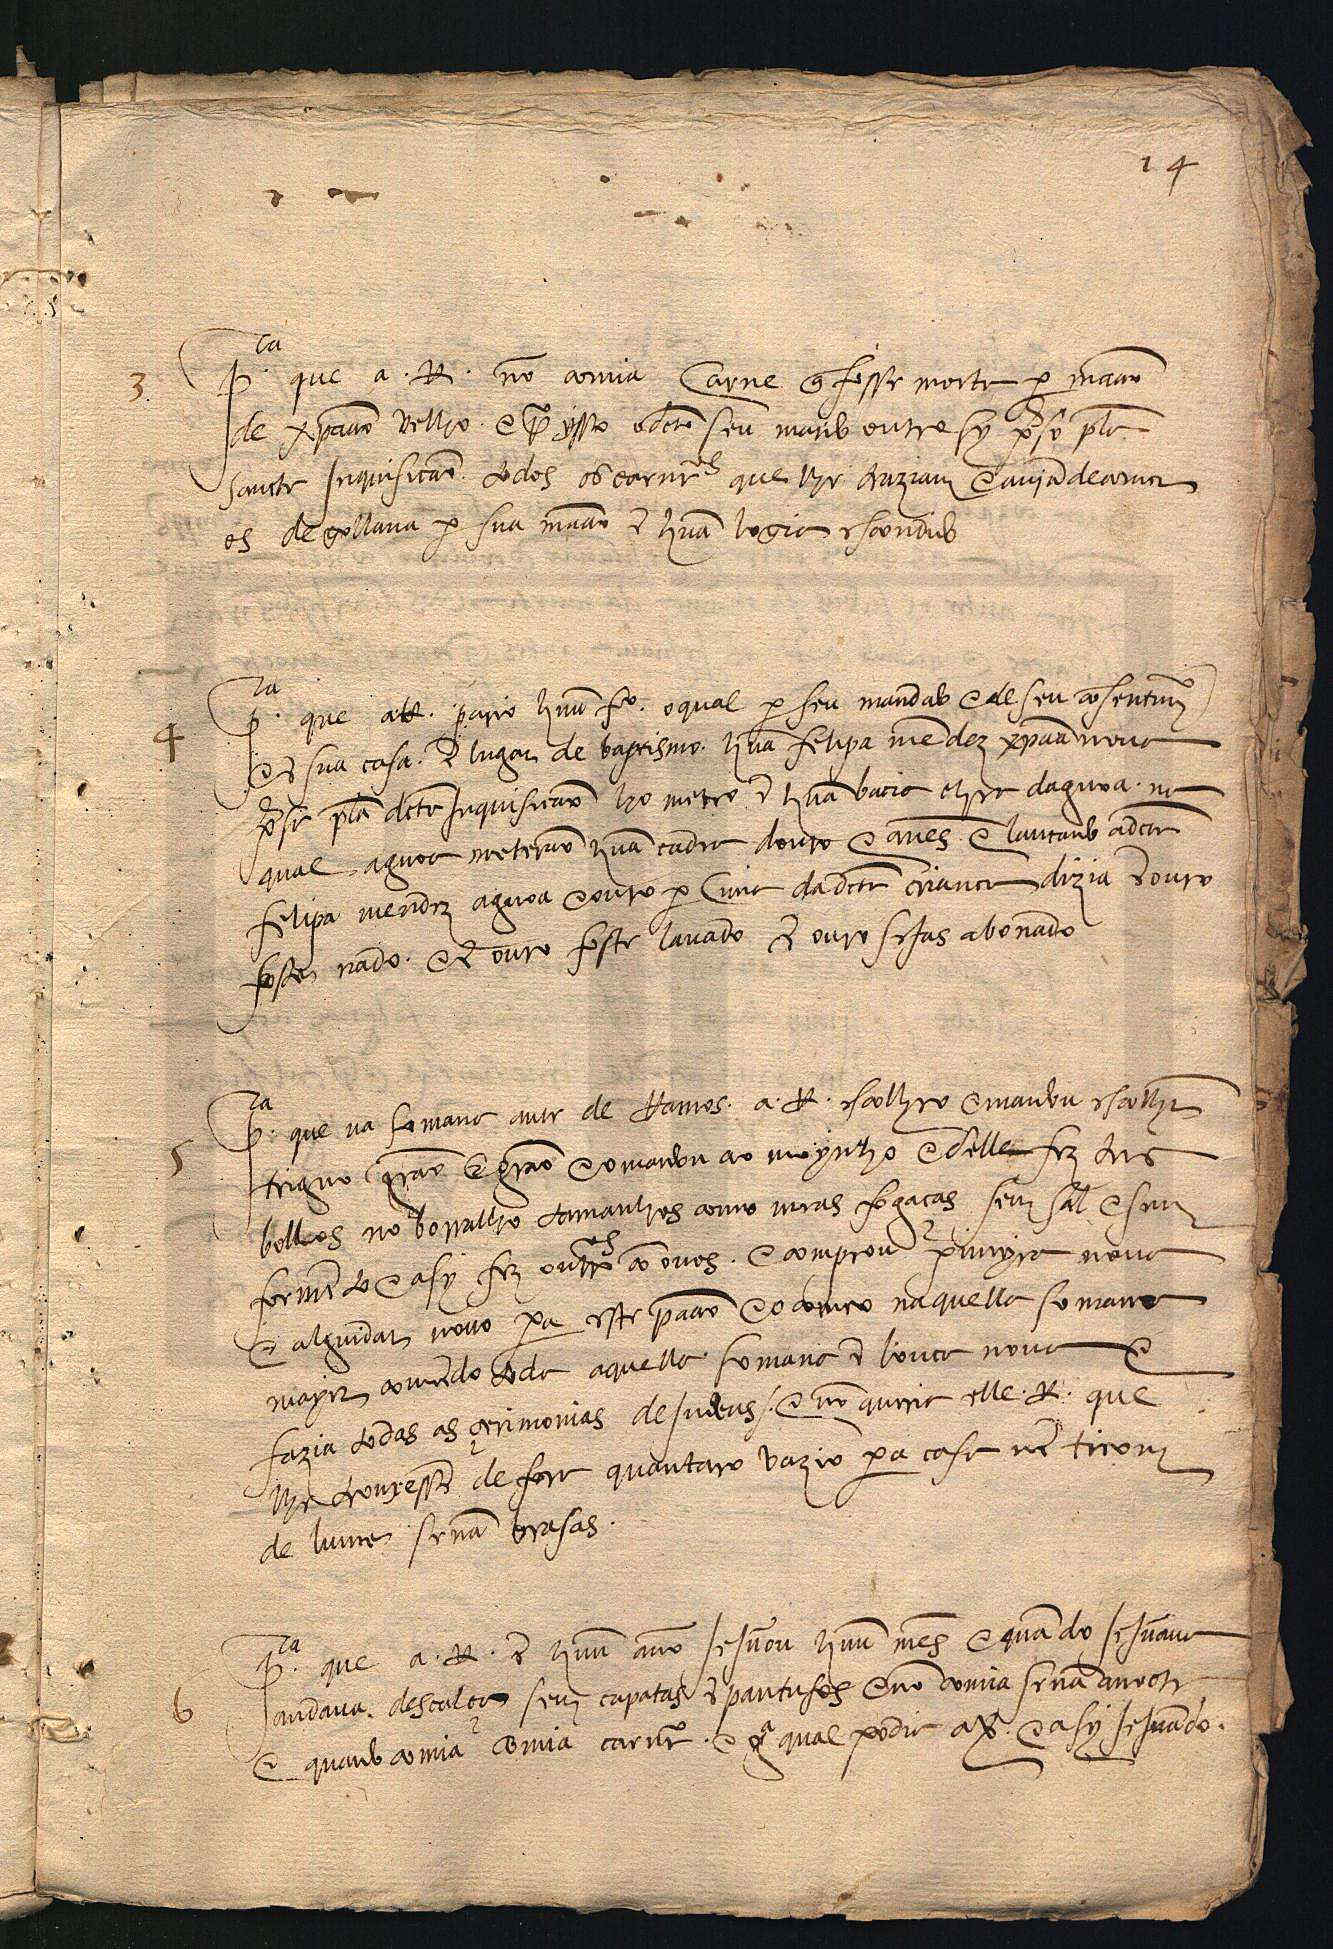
Pra. que a .R. n̄o comia Carne q̄ fosse morta ꝑ maão
de xpaão velho . e p̄o ysso o d̄cto seu marido outrosy p̄so p̄la
Sancta Jnquisicão todos os carnros que lhe traziam e aujā de comer
os degollaua ꝑ sua maão ē hūa logia escondido
Pra. que a .R. pario hūu fo. o qual ꝑ seu mandado e de seu c̄osentimto
e ē sua casa. ē lugar de baptismo. hūa felipa m̄edez xpāa noua
p̄sa p̄la dc̄ta Jnquisicão ho meteo ē hūa bacia chea daguoa. na
qual aguoa meterão hūa cadea douro e ānes e lancando a d̄cta
felipa mendez aguoa e ouro ꝑ Cima da dc̄ta crianca dizia ē ouro
foste nado. e ē ouro foste lauado ē ouro seJas abonado
Pra. que na somana ante de Ramos. a .R. escolheo e mandou escol̄hr
triguo / grão e grão e o mandou ao moynho e delle fez tres
bollos no borralho tamanhos como meas fogaças sem sal e sem
formēto e asy fez outros c̄o ouos. e comprou pineyra noua
e alguidar nouo ꝑa este paão e o comeo naquella somana
mayor comēdo toda aquella somana ē louca noua e
fazia todas as çerimonias de Judeus /. e n̄o queria elle .R. que
lhe trouxessē de fora quantaro vazio ꝑa casa nē ticom
de lume sen̄a brasas.
Pra. que a .R. ē hūu āno JeJūou hūu mēs e qūado Jejūaua
andaua descalça sem capatas ē pantufos e n̄o comia senā a nocte
e quando comia comia carnro . e ga qual podia aꝟ. e asy Jejūado.
